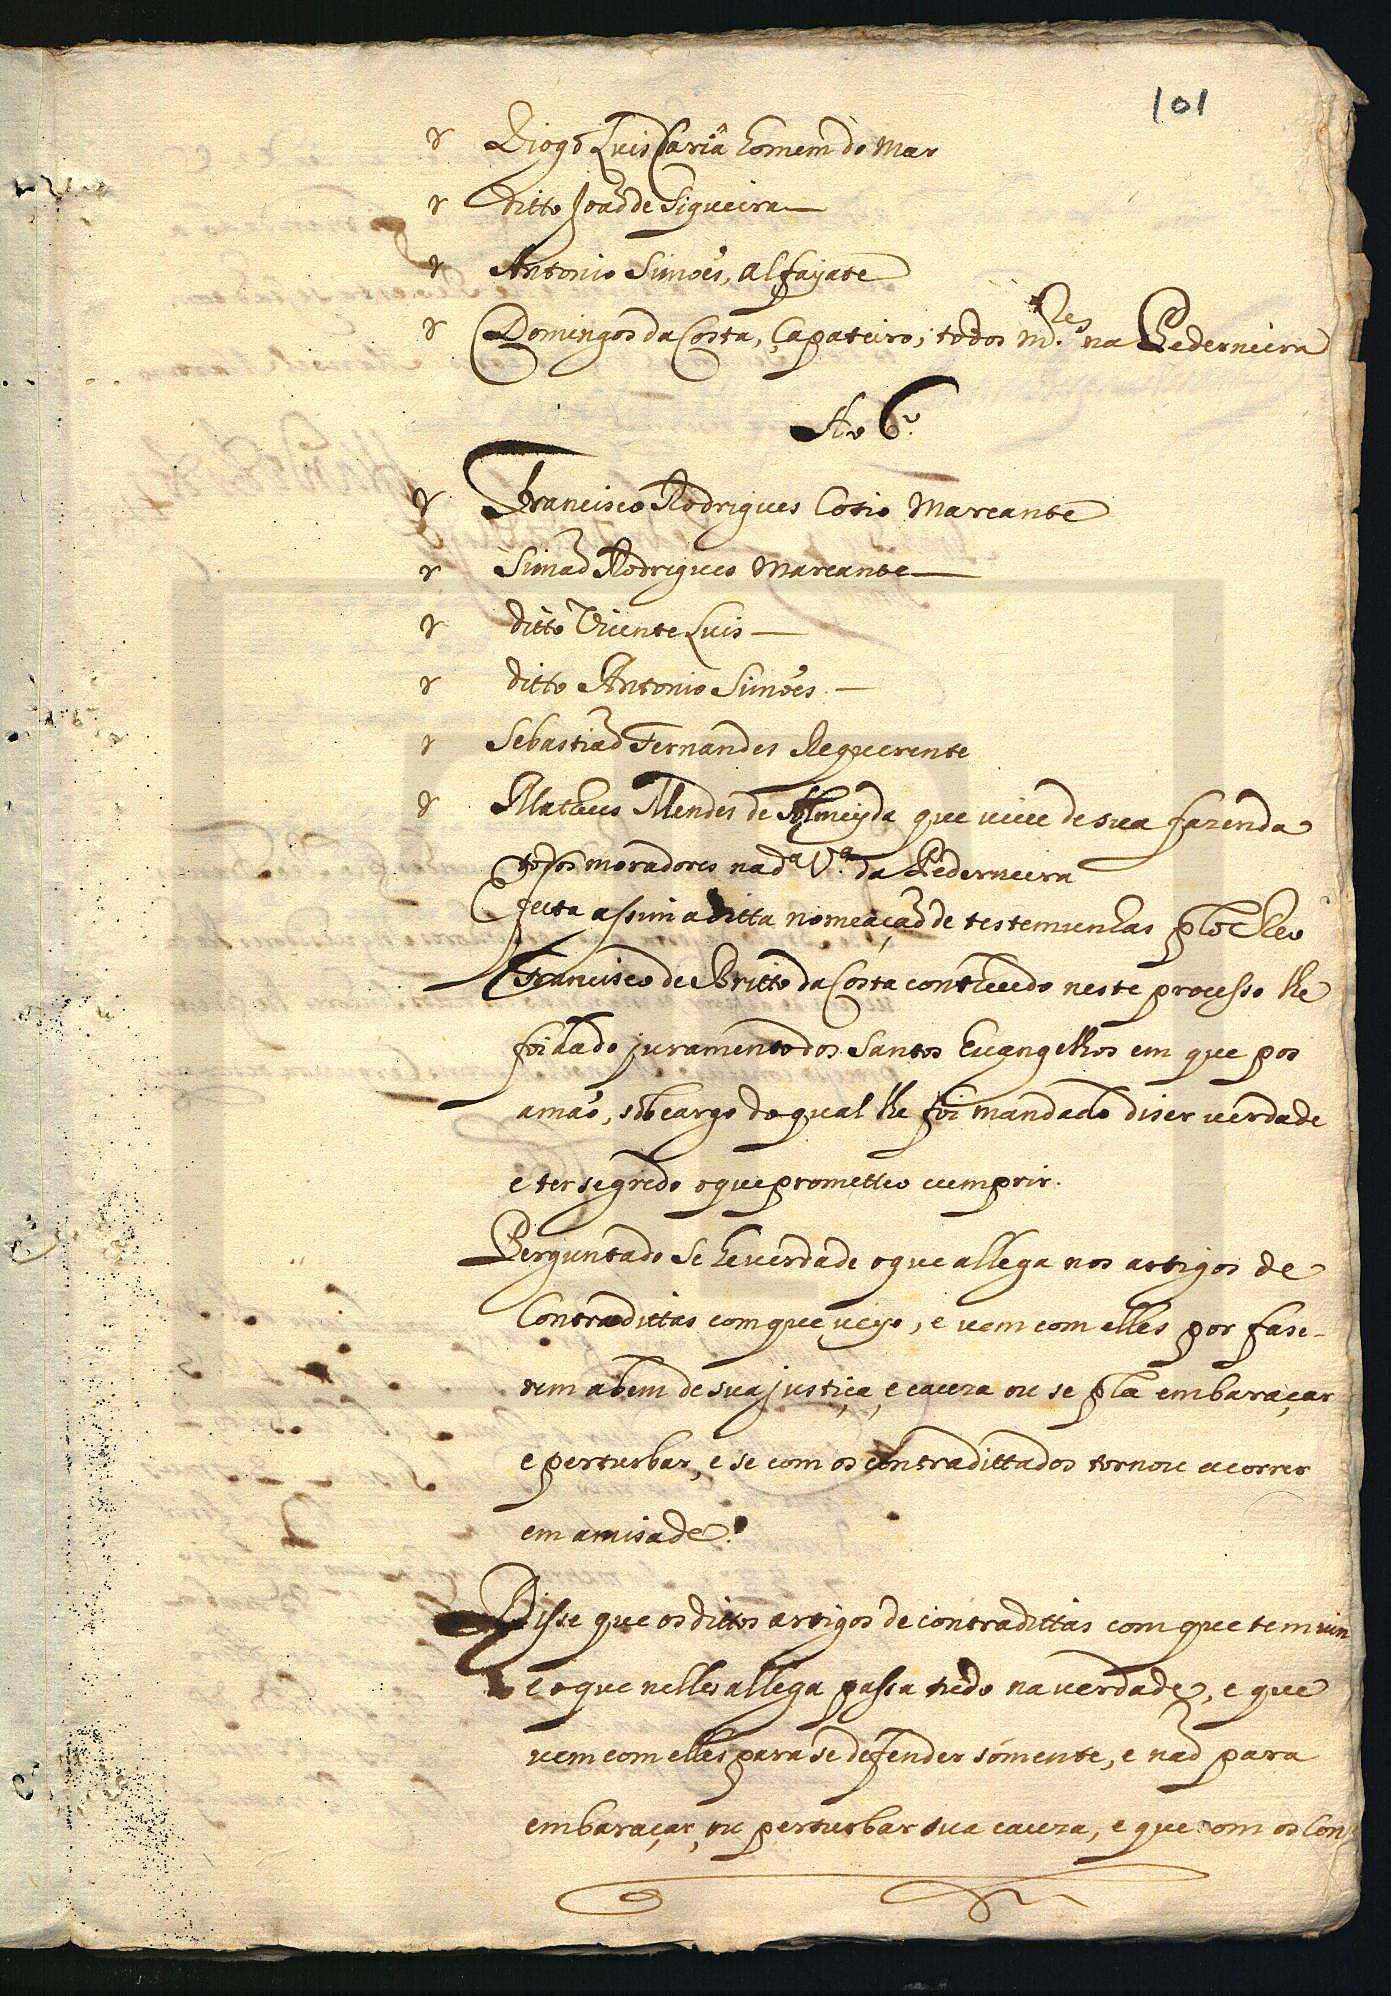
item Diogo Luis Caria homem do mar
item ditto Joaõ de Siqueira
item Antonio Simoẽs, alfayate
item Domingos da Costa, çapateiro, todos m.res na Pederneira
Ao 6.o
item Francisco Rodrigues Cosio mareante
item Simaõ Rodrigues mareante
item ditto Vicente Luis
item ditto Antonio Simoẽs
item Sebastiaõ Fernandes Requerente
item Matheus Mendes de Almeyda que uiue de sua fazenda
todos moradores na da V.a da Pederneira
E feita assim a ditta nomeaçaõ de testemunhas plo Reo
Francisco de Britto da Costa contheudo neste processo lhe
foi dado juramento dos Santos Euangelhos em que pos
a mão, sob cargo do qual lhe foi mandado diser uerdade
e ter segredo o que prometteo cumprir.
Perguntado se he verdade o que allega nos artigos de
Contradittas com que ueyo, e uem com elles por fase
rem a bem de sua justiça, e cauza ou se pla embaraçar
e perturbar, e se com os contradittados tornou a correr
em amisade.
Disse que os dittos artigos de contradittas com que tem uin
do e o que nelle allega passa tudo na uerdade, e que
uem com elles para se defender somente, e naõ para
embaraçar, ou perturbar sua cauza, e que com os Con
